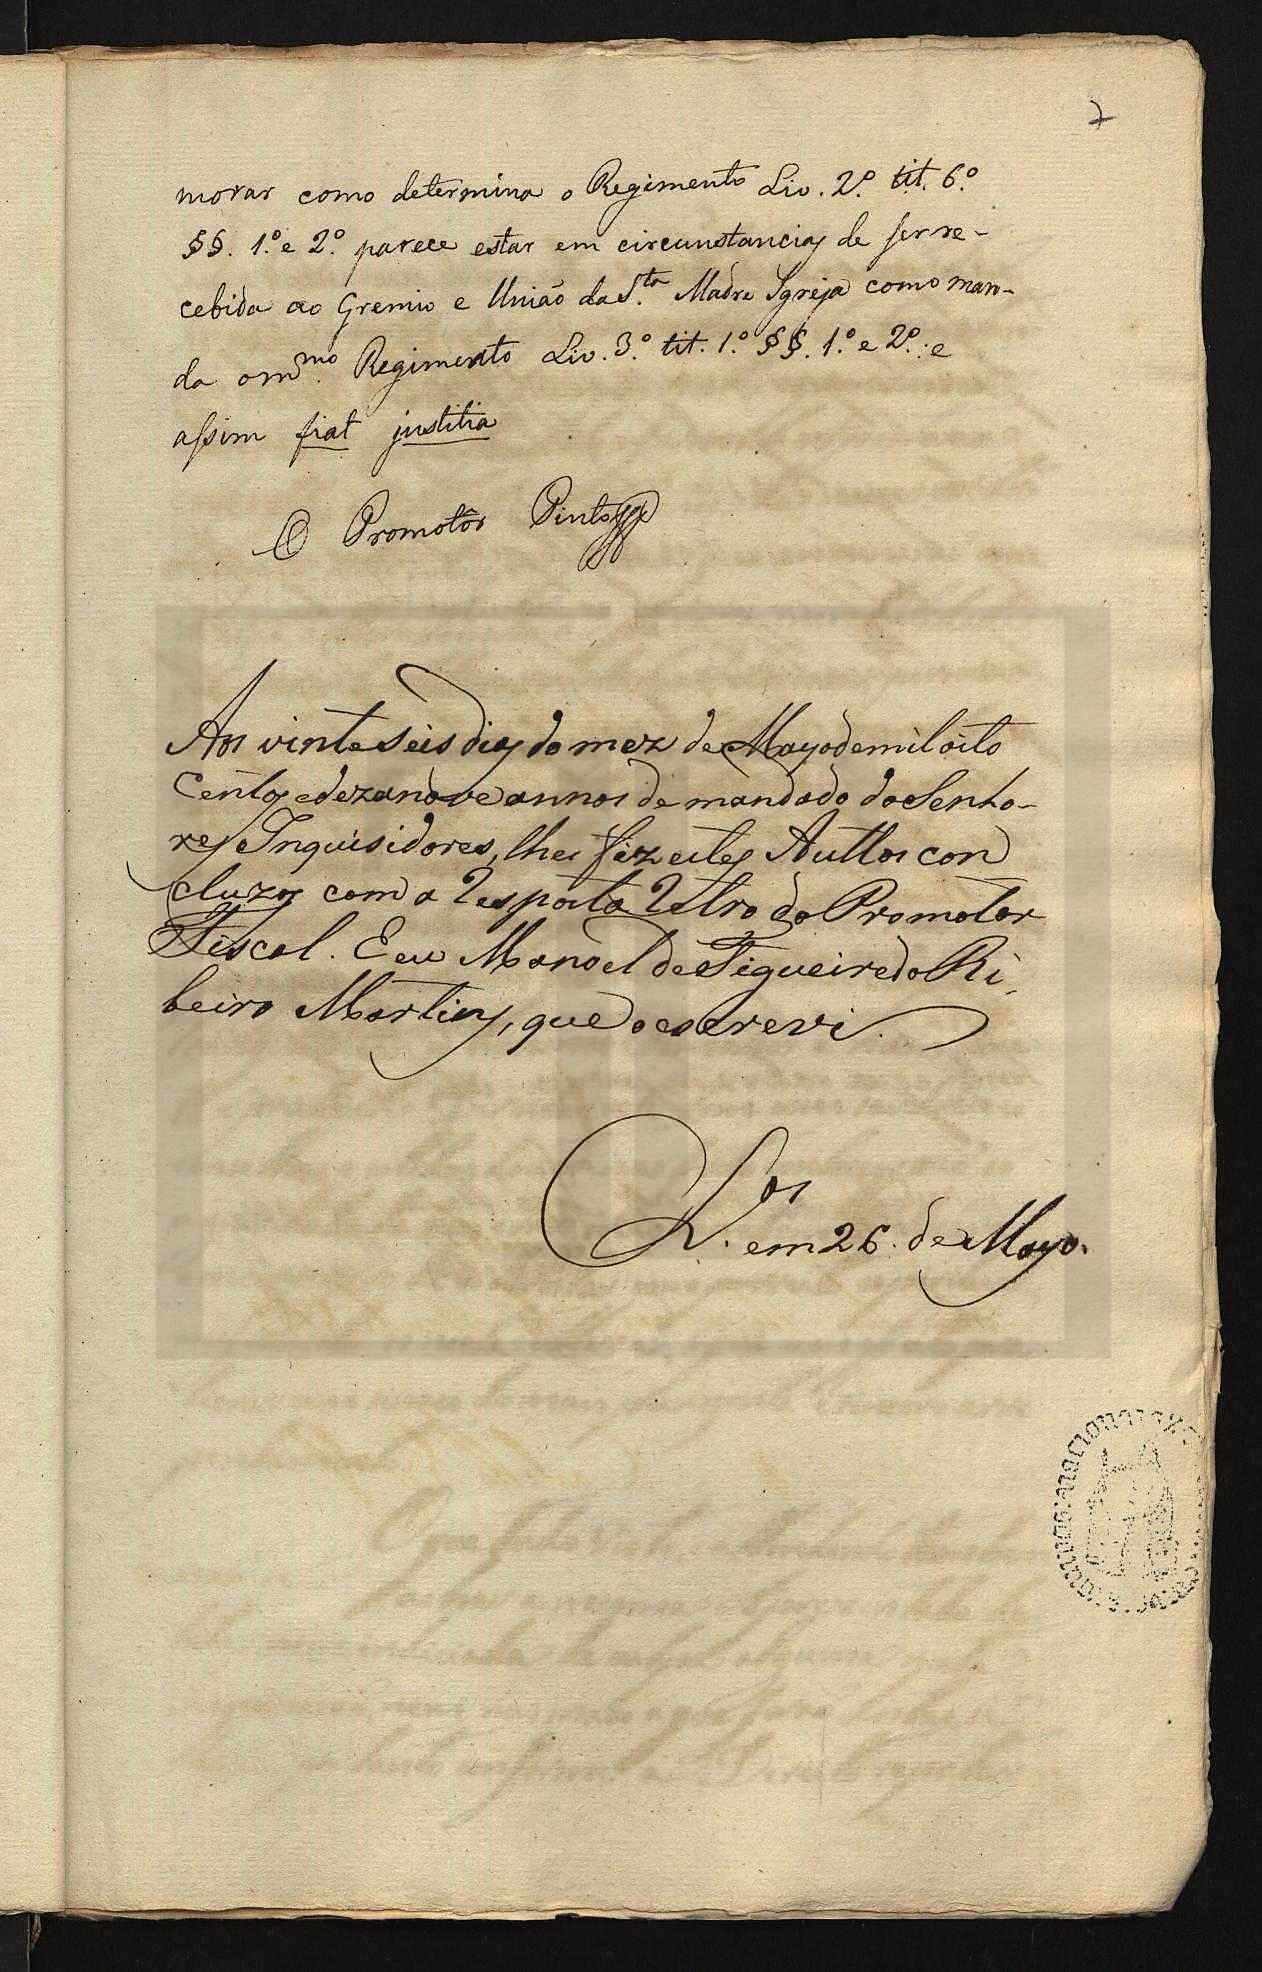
morar como determina o Regimento Liv. 2.º tit. 6.º
§§. 1.º e 2.º parece estar em circunstancias de ser re
cebida ao Gremio e Uniaõ da S.ta Madre Igreja como man
da o m.mo Regimento Liv. 3.º tit. 1.º §§. 1.º e 2.º e
assim fiat justitia
O Promotôr Pinto
Aos vinte seis dias do mez de Mayo de mil oito
centos e dezanove annos de mandado do Senho
res Inquisidores, lhes fiz estes Auttos con
cluzos com a Resposta Retro do Promotor
Fiscal. E eu Manoel de Figueiredo Ri
beiro Martins, que o escrevi.
CL.os em 26 de Mayo.
